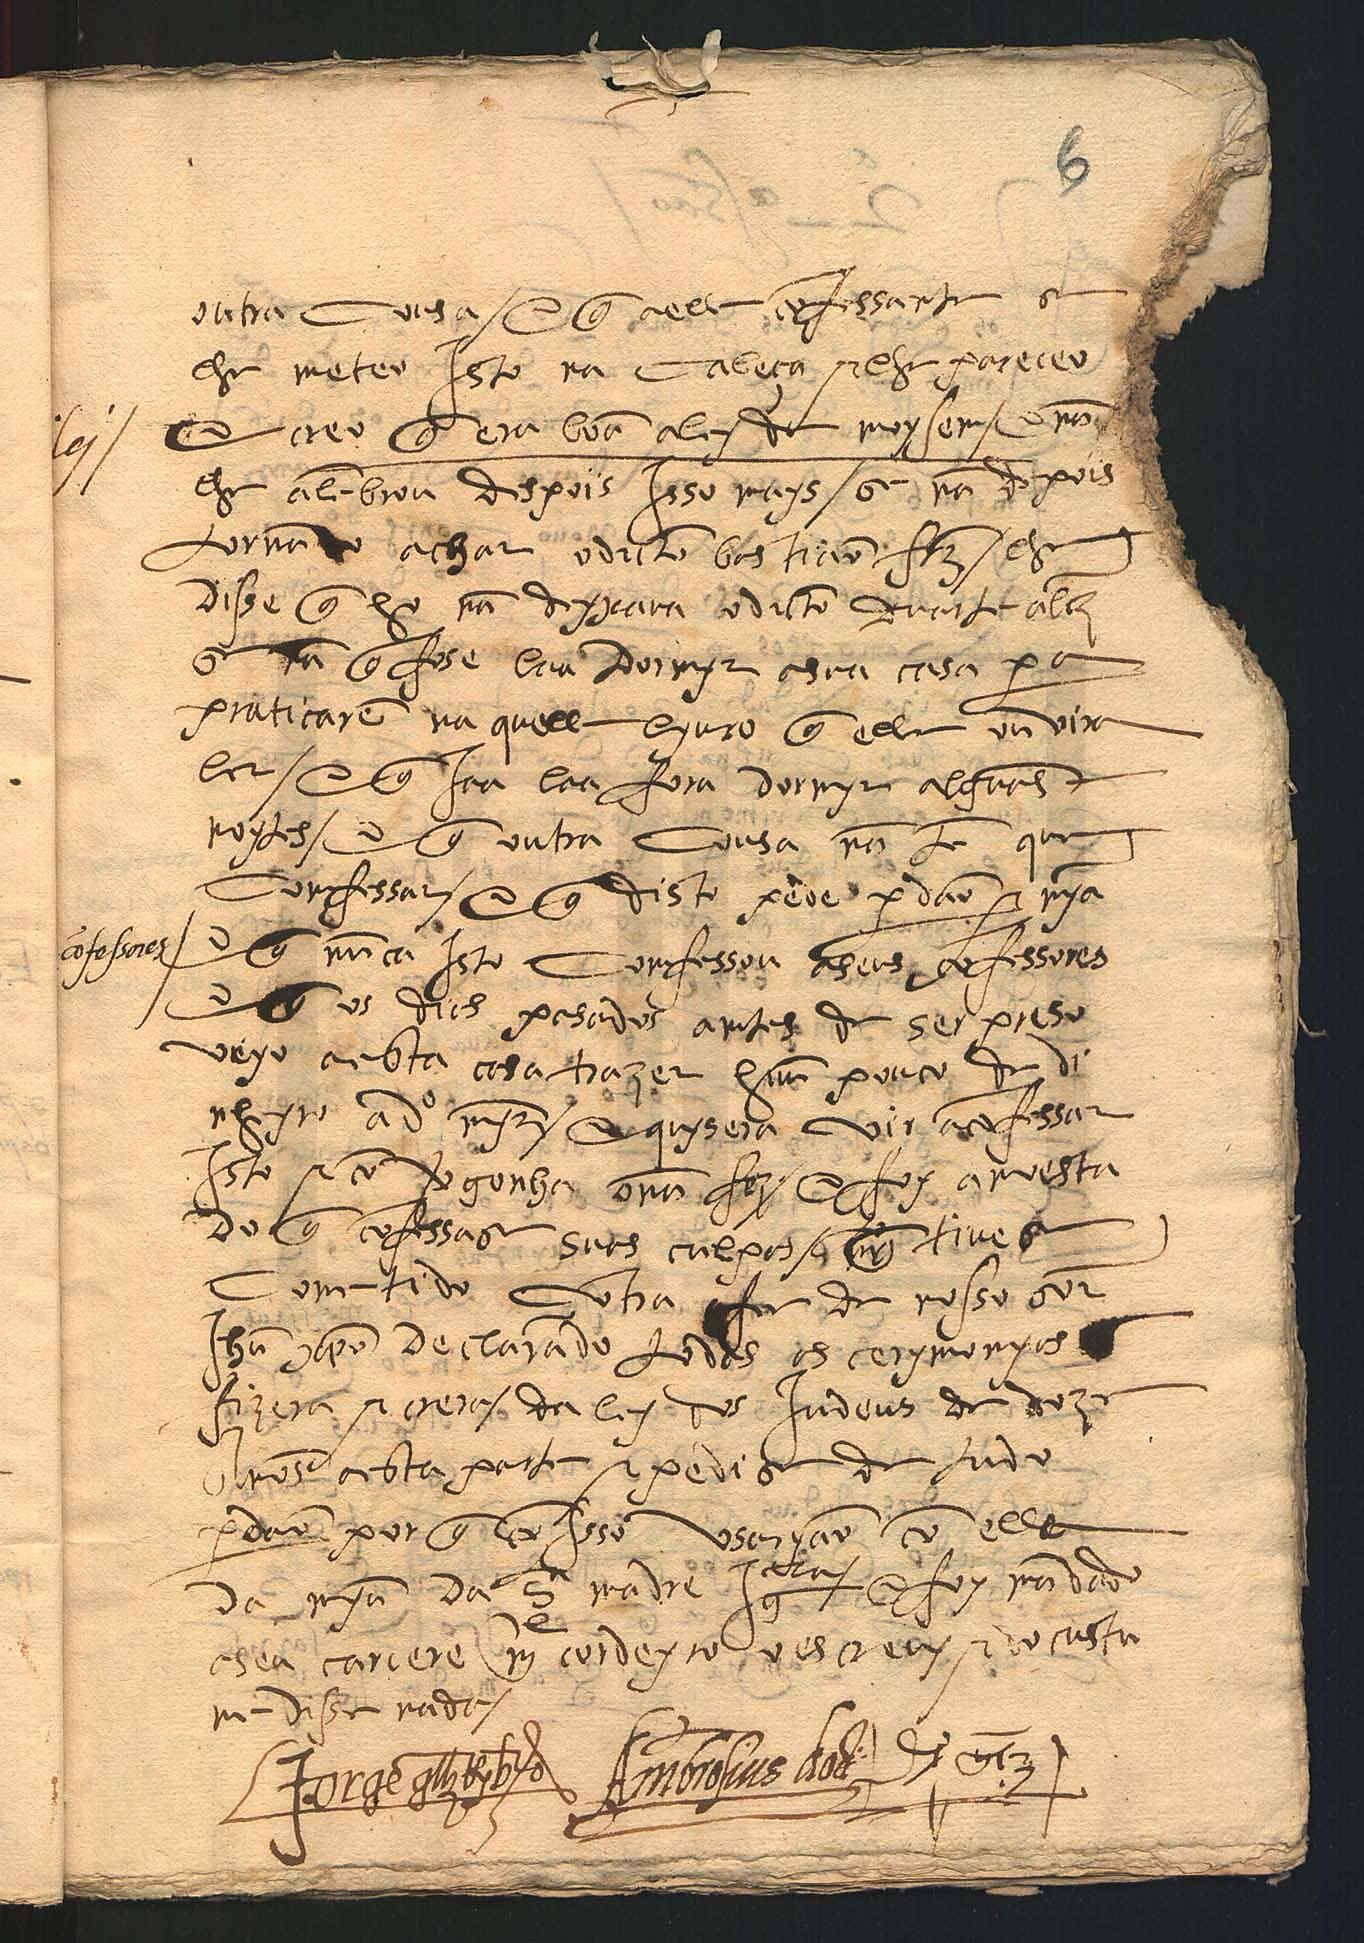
outra Cousa / e q̄ a elle cōfessante se
lhe meteo Jsto na cabeça e lhe pareceo
lej /
e creo q̄ era bōa a ley de moysem / e nā
lhe alēbrou despois Jsso mays / se nā despois
torn̄ado achar o dic̄to bastiaõ fr̄z / lhe
Disse q̄ ho nā deyxaua o dic̄to Duarte ālz
se nā q̄ fose laa Dormyr a sua casa ꝑa
praticarē naquelle lyuro q̄ elle ouvira
ler / e q̄ Jaa laa fora dormyr alḡuas
noytes / e q̄ outra Cousa nā tē que
Confessar / e q̄ disto pede ꝑdão e m̄ya
cōfessores /
e q̄ nūca Jsto Comfessou a seus cōfessores
e q̄ os dias pasados amtes de ser preso
veyo a esta casa trazer hūu pouco de di
nheyro a do m̄jz / e quysera vir a cōfessar
Jsto e cō ꝟgonha o n̄a fez ./ e foy amoesta
Do q̄ confessase suas culpas / q̄ tiuese
Cometido Cōtra a fee de nosso s̄or
Jhū x̄po Declarādo todas as cerymonyas
fizera e crera / da ley dos Judeus de doze
An̄os a esta parte e pedise de tudo
ꝑdaõ porq̄ cō Jsso vsaryão cō elle
da mȳa Da Sta madre Jgra / e foy mādado
a seu carcere mel cordeyro o escreuy e ao custu
me disse nada /
do ḡlz
Ambrosius doct̄
Jorge ḡllz Rybro
